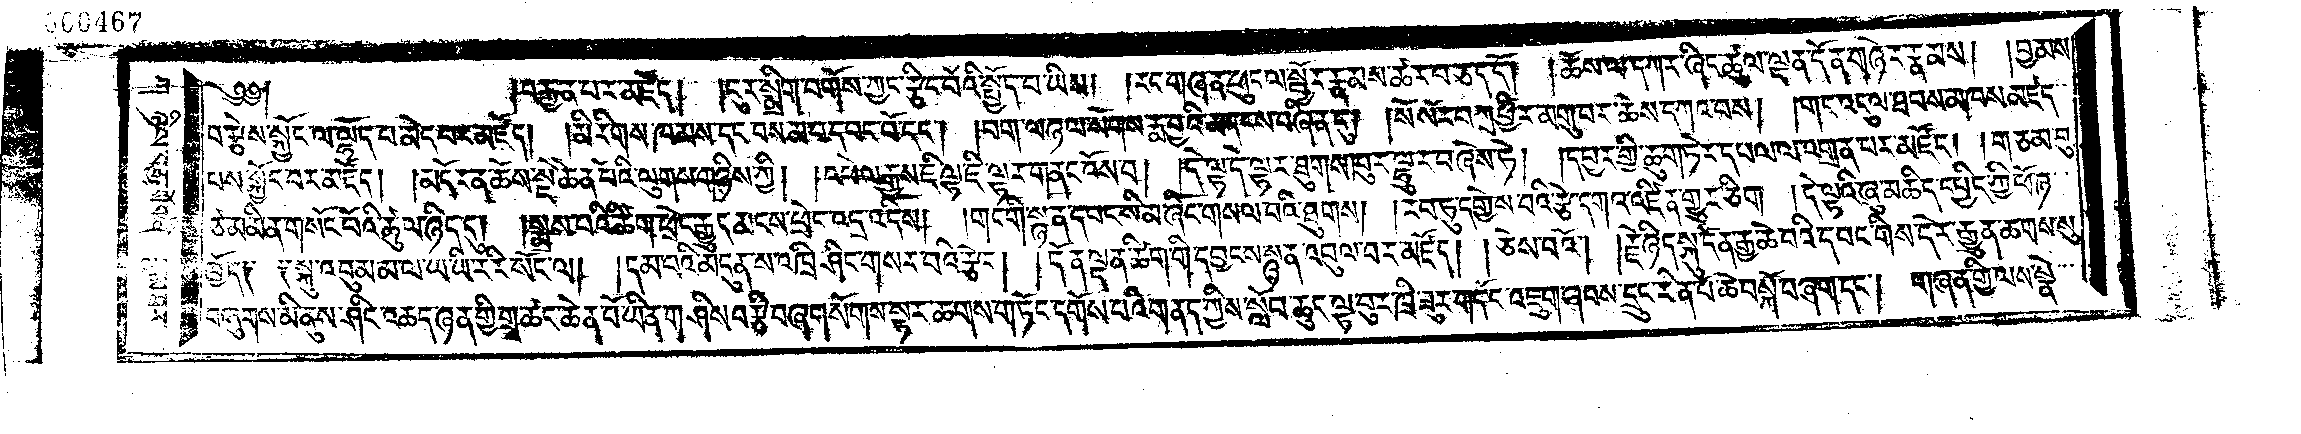༄༅། །བརྒྱན་པར་མཛོད། །ངུར་སྨྲིག་བགོས་ཀྱང་རྩིང་པོའི་སྤྱོད་པ་ཡིས། །རང་གཞན་ཕུང་ལ་སྦྱོར་རྣམས་ཚར་བཅད་དེ། །ཆོས་ལ་དཀར་ཞིང་ཚུལ་ལྡན་དོན་གཉེར་རྣམས། །བྱམས་
བརྩེས་སྐྱོང་ལ་ལྷོད་པ་མེད་པར་མཛོད། །མི་རིགས་ཁམས་དང་བསམ་པ་དབང་པོ་དང་། །བག་ལ་ཉལ་སོགས་རྨ་བྱའི་མདོངས་བཞིན་དུ། །སོ་སོར་བཀྲ་ཕྱིར་མགུ་བར་ཆེས་དཀའ་བས། །གང་འདུལ་ཐབས་མཁས་མཛད་
པས་སྐྱོང་བར་མཛོད། །མདོར་ན་ཆོས་སྡེ་ཆེན་པོའི་ལུགས་གཉིས་ཀྱི། །འཕེལ་རྒྱས་ཇི་ལྟ་ཇི་ལྟར་གནང་འོས་པ། །དེ་ལྟ་དེ་ལྟར་ཐུགས་ཁུར་ལྷུར་བཞེས་ཏེ། །དབྱར་གྱི་ཆུ་གཏེར་དཔལ་ལ་འགྲན་པར་མཛོད། །གཅམ་བུ་
ཙམ་མིན་གསོང་པོའི་ཚུལ་ཉིད་དུ། །སྨྲས་པའི་ཚིག་ཕྲེང་རྒྱུད་མངས་སྦྲེང་འདྲ་འདིས། །གང་གི་སྙན་དབང་སིམ་ཞིང་གསལ་བའི་ཐུགས། །རབ་ཏུ་དགྱེས་པའི་རྩེ་དགའ་འཛིན་གྱུར་ཅིག །དེ་ལྟའི་ཞུ་མཆིད་དཔྱིད་ཀྱི་ཕོ་ཉ་
ཁྱོད༑ ༑སྐུ་འབུམ་མ་ལ་ཡ་ཡིར་རི་སོང་ལ། །དམ་པའི་མདུན་ས་འཁྲི་ཤིང་གསར་བའི་རྩེར། །དོན་ལྡན་ཚིག་གི་དབྱངས་སྟན་འབུལ་བར་མཛོད། །ཅེས་པའོ། །རྗེ་ཉིད་སྐུ་དོན་རྒྱ་ཆེ་བའི་དབང་གིས་དེར་རྒྱུན་ཆགས་སུ་
བཞུགས་མི་ནུས་ཤིང་འཆད་ཉན་གྱི་གྲྭ་ཚང་ཆེན་པོ་ཡིན་གཤིས་བརྩི་བཞག་སོགས་སྟར་ཆགས་གཏོང་དགོས་པའི་གནད་ཀྱིས་སློབ་ཆུང་ལྟ་བུར་ཁྲི་ཟུར་གདོང་འཇུག་ཞབས་དྲུང་རིན་པོ་ཆེ་བསྐོ་བཞག་དང་། གཞན་གྱི་ལས་སྣེ་